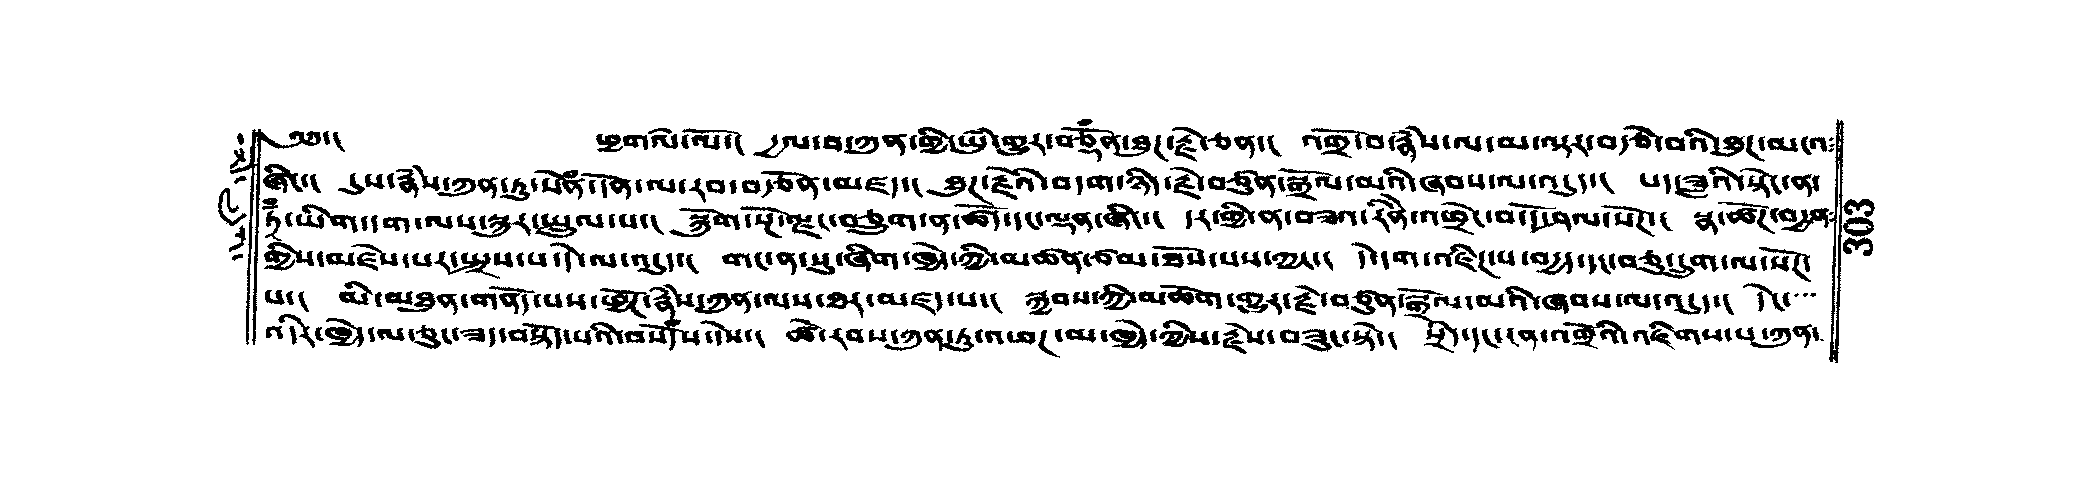ཕྱག་འཚལ་ལོ། རྒྱལ་བ་ཀུན་གྱི་ཡུམ་གྱུར་བཅོམ་ལྡན་ཐུགས་རྗེ་ཅན། །འགྲོ་བ་རྣམས་ལ་མ་ལྟར་བརྩེ་བའི་ཐུགས་མངའ་
ཞིང་། །དུས་རྣམས་ཀུན་ཏུ་སེམས་ཅན་དོན་ལ་རབ་བརྩོན་མཛད། །ཐུགས་རྗེའི་བདག་ཉིད་རྗེ་བཙུན་སྒྲོལ་མའི་ཞབས་ལ་འདུད། པད་ཟླའི་སྟེང་ན་
ཏཱྃཡིག་དག་ལས་སྐུར་སྤྲུལ་པ།སྐུ་མདོག་སྔོ་ལྗང་བཅུ་དྲུག་ན་ཚོད་དང་ལྡན་ཞིང་། །དར་གྱི་ན་བཟའ་རིན་ཆེན་འཕྲེང་བ་དོ་ཤལ་སོགས། །སྣ་ཚོགས་བརྒྱན་
གྱིས་མཛེས་པར་སྤྲས་པ་དེ་ལ་འདུད། །གང་ན་སུ་ཞིག་ཁྱེད་ཀྱི་མཚན་ཙམ་ཐོས་པས་ཀྱང་། །དེ་དག་འཇིགས་པ་བརྒྱད་དང་བཅུ་དྲུག་ལ་སོགས་
པ། །མི་མཐུན་གནོད་པས་ཕྱོགས་རྣམས་ཀུན་ལས་ཐར་མཛད་པ། །སྐྱབས་ཀྱི་མཆོག་གྱུར་རྗེ་བཙུན་སྒྲོལ་མའི་ཞབས་ལ་འདུད། །དེང་
འདིར་ཁྱེད་ལ་ཅུང་ཟད་བསྟོད་པའི་བསོད་ནམས་དེས། །ཚེ་རབས་ཀུན་ཏུ་འཕགས་མ་ཁྱེད་ཀྱིས་རྗེས་བཟུང་སྟེ། །སྲིད་དང་ངན་འགྲོའི་འཇིགས་པ་ཀུན་